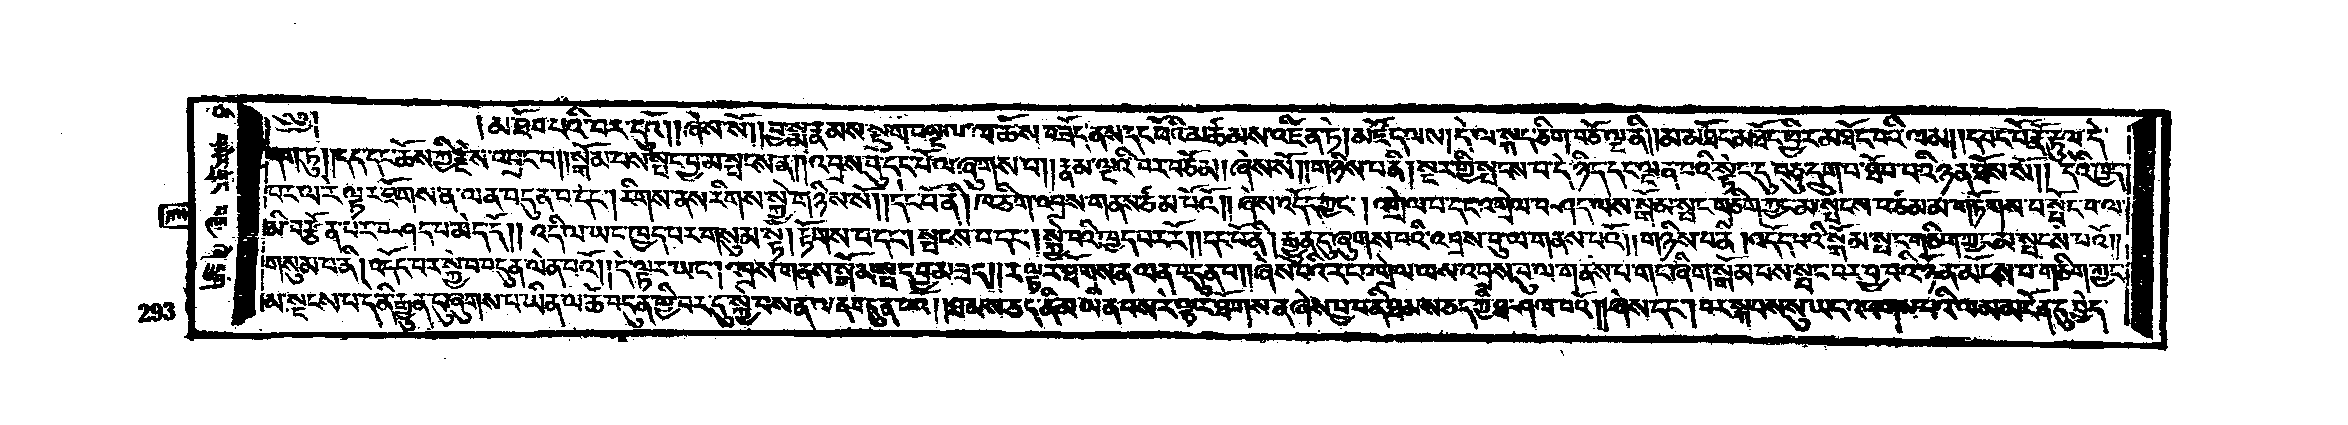༄༅། །མ་ཐོབ་པའི་བར་དུའོ། །ཞེས་སོ། །བྱེ་སྨྲ་རྣམས་སྡུག་བསྔལ་ལ་ཆོས་བཟོད་ནས་དང་པོའི་མཚམས་འཛིན་ཏེ། མཛོད་ལས། དེ་ལ་སྐད་ཅིག་བཅོ་ལྔ་ནི། །མ་མཐོང་མཐོང་ཕྱིར་མཐོང་བའི་ལམ། །དབང་པོ་རྣོ་རྟུལ་དེ་
དག་ཏུ། །དད་དང་ཆོས་ཀྱི་རྗེས་འབྲང་བ། །སྒོམ་པས་སྤང་བྱ་མ་སྤངས་ན། །འབྲས་བུ་དང་པོ་ལ་ཞུགས་པ། །རྣམ་ལྔའི་བར་བཅོམ། ཞེས་སོ། །གཉིས་པ་ནི། སྔར་གྱི་སྤངས་བ་དེ་ཉིད་དང་ལྡན་པའི་སྟེང་དུ་བཅུ་དྲུག་པ་ཐོབ་པའི་ཉན་ཐོས་སོ། །དེའི་ཁྱད་
པར་ལ་རེ་ལྟར་ཐོགས་ན་ལན་བདུན་པ་དང་། རིགས་ནས་རིགས་སྐྱ་གཉིས་སོ། །དང་པོ་ནི། ཁ་ཅིག་འབྲས་གནས་ཙམ་པོའོ། །ཞེས་འདོད་ཀྱང་། འགྲེལ་པ་དང་འགྲེལ་བཤད་ལས་སྒོམ་སྤང་གཅིག་ཀྱང་མ་སྤངས་པ་ཙམ་མ་གཏོགས་པ་སྤོང་བ་ལ་
མི་བརྩོན་པར་བཤད་པ་མེད་དོ། །འདི་ལ་ཡང་ཁྱད་པར་གསུམ་སྟེ། རྟོགས་པ་དང་། སྤངས་བ་དང་། སྐྱེ་བའི་ཁྱད་པར་རོ། །དང་པོ་ནི། རྒྱུན་དུ་ཞུགས་པའི་འབྲས་བུ་ལ་གནས་པའོ། །གཉིས་པ་ནི། འདོད་པའི་སྒོམ་སྤང་གཅིག་ཀྱང་མ་སྤངས་པའོ། །
གསུམ་པ་ནི། འདོད་པར་སྐྱེ་བ་བདུན་ལེན་པའོ། །དེ་ལྟར་ཡང་། འབྲས་གནས་སྒོམ་སྤང་བྱ་མ་ཟད། རེ་ལྟར་ཐོགས་ན་ལན་བདུན་པ། །ཞེས་པའི་རང་འགྲེལ་ལས་འབྲས་བུ་ལ་གནས་པ་གང་ཞིག་སྒོམ་པས་སྤང་བར་བྱ་བའི་ཉོན་མོངས་པ་གཅིག་ཀྱང་
མ་སྤངས་པ་དེ་ནི་རྒྱུན་དུ་ཞུགས་པ་ཡིན་ལ་ཚེ་བདུན་གྱི་བར་དུ་སྐྱེ་བས་ན་ལན་བདུན་པའོ། །ཐམས་ཅད་ནི་མ་ཡིན་པས་རེ་ལྟར་ཐོགས་ན་ཞེས་བྱ་བ་ནི་ཐམས་ཅད་ཀྱི་ཐ་ཤེལ་པའོ། །ཞེས་དང་། བར་སྐབས་སུ་ཡང་འཕགས་པའི་ལམ་མངོན་དུ་བྱད་